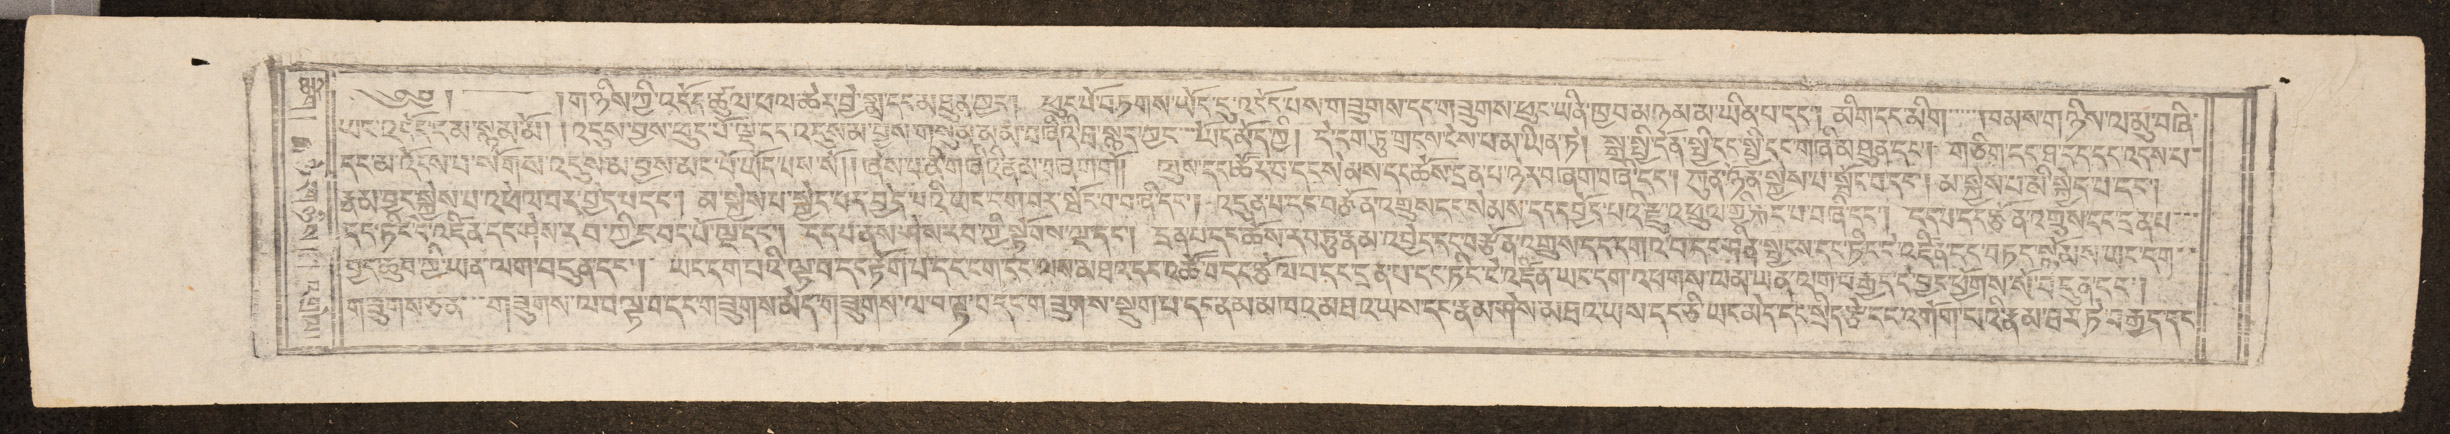༄༅། །གཉིས་ཀྱི་འདོད་ཚུལ་ཕལ་ཆེར་བྱེ་སྨྲ་དང་མཐུན་ཀྱང་། ཕུང་པོ་བཏགས་ཡོད་དུ་འདོད་པས་གཟུགས་དང་གཟུགས་ཕུང་ཡིན་ཁྱབ་མཉམ་མ་ཡིན་པ་དང་། མིག་དང་མིག་ཁམས་གཉིས་ལ་མུ་བཞི་
ཡང་འདོད་དམ་སྙམ་མོ། །འདུས་བྱས་ཕུང་པོ་ལྔ་དང་འདུས་མ་བྱས་གསུམ་མམ་བཞིའི་ཐ་སྙད་ཀྱང་ཡོད་མོད་ཀྱི། དེ་དག་ཏུ་གྲངས་ངེས་པ་མ་ཡིན་ཏེ། སྒྲ་སྤྱི་དོན་སྤྱི་དང་གཞི་མཐུན་དང་། གཅིག་དང་ཐ་དད་དང་འདས་པ་
དང་མ་འོངས་པ་སོགས་འདུས་མ་བྱས་མང་པོ་ཡོད་པས་སོ། །ཞེས་པ་ནི་གཞིའི་རྣམ་བཞག་གོ། ལུས་དང་ཚོར་བ་དང་སེམས་དང་ཆོས་དྲན་པ་ཉེར་བཞག་བཞི་དང་། ཀུན་ཉོན་སྐྱེས་པ་སྤོང་བ་དང་། མ་སྐྱེས་པ་མི་སྐྱེད་པ་དང་།
རྣམ་བྱང་སྐྱེས་པ་འཕེལ་བར་བྱེད་པ་དང་། མ་སྐྱེས་པ་སྐྱེད་པར་བྱེད་པའི་ཡང་དག་བར་སྤོང་བ་བཞི་དང་། འདུན་པ་དང་བརྩོན་འགྲུས་དང་སེམས་དང་དབྱོད་པའི་རྫུ་འཕྲུལ་གྱི་རྐང་པ་བཞི་དང་། དད་པ་དང་རྩོན་འགྲུས་དང་དྲན་པ་
དང་ཏིང་ངེ་འཛིན་དང་ཤེས་རབ་ཀྱི་དབང་པོ་ལྔ་དང་། དད་པ་ནས་ཤེས་རབ་ཀྱི་སྟོབས་ལྔ་དང་། དྲན་པ་དང་ཆོས་རབ་ཏུ་རྣམ་འབྱེད་དང་བརྩོན་འགྲུས་དང་དགའ་བ་དང་ཤིན་སྦྱངས་དང་ཏིང་ངེ་འཛིན་དང་བཏང་སྙོམས་ཡང་དག་
བྱང་ཆུབ་ཀྱི་ཡན་ལག་བདུན་དང་། ཡང་དག་པའི་ལྟ་བ་དང་རྟོག་པ་དང་ངག་དང་ལས་མཐའ་དང་འཚོ་བ་དང་རྩོལ་བ་དང་དྲན་པ་དང་ཏིང་ངེ་འཛིན་ཡང་དག་འཕགས་ལམ་ཡན་ལག་བརྒྱད་དེ་བྱང་ཕྱོགས་སོ་བདུན་དང་།
གཟུགས་ཅན་གཟུགས་ལ་བལྟ་བ་དང་གཟུགས་མེད་གཟུགས་ལ་བལྟ་བ་དང་གཟུགས་སྡུག་པ་དང་ནམ་མཁའ་མཐའ་ཡས་དང་རྣམ་ཤེས་མཐའ་ཡས་དང་ཅི་ཡང་མེད་དང་སྲིད་རྩེ་དང་འགོག་པའི་རྣམ་ཐར་ཏེ་བརྒྱད་དང་